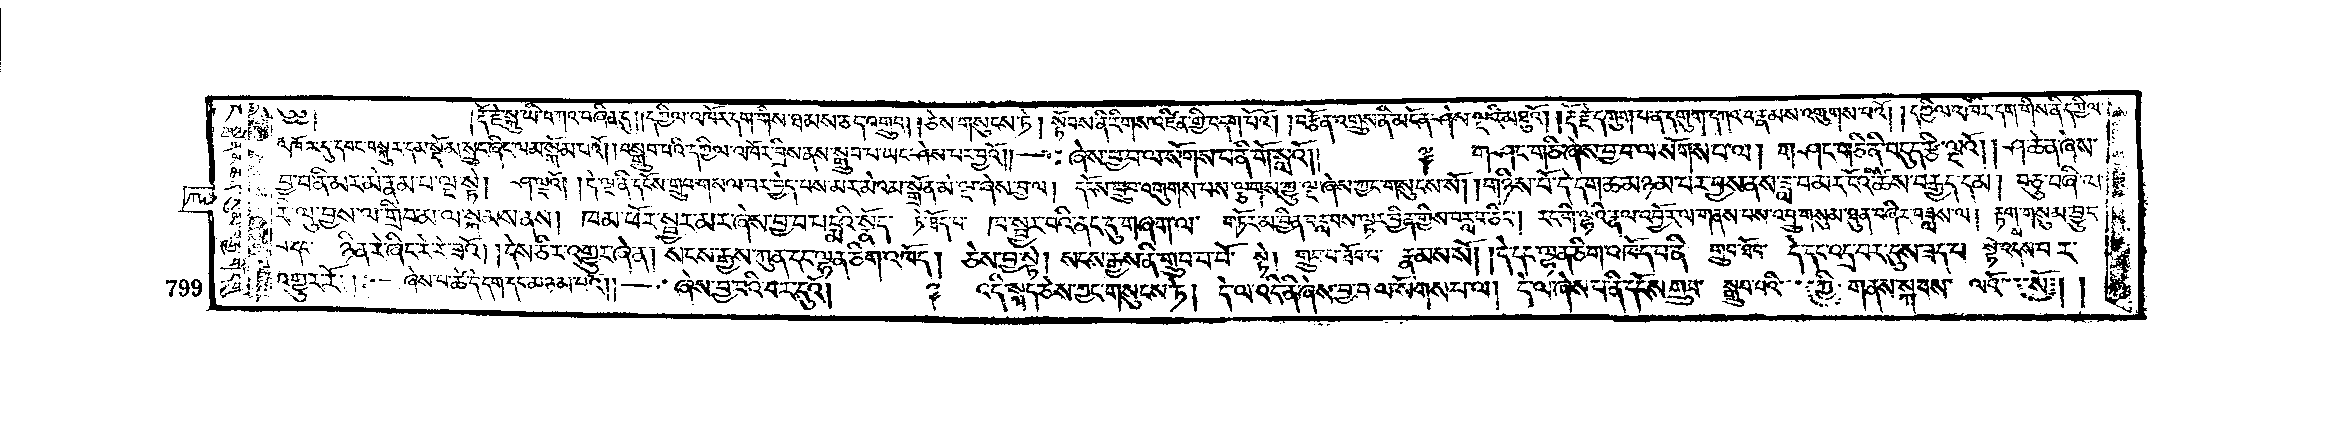༄༅། །རྡོ་རྗེ་སྐུ་ཡི་བཀའ་བཞིན་དུ། །དཀྱིལ་འཁོར་དག་གིས་ཐམས་ཅད་འགྲུབ། །ཅེས་གསུངས་ཏེ། སྟོབས་ནི་རིགས་འཛིན་གྱི་བདག་པོའོ། །བརྩོན་འགྲུས་ནི་མངོན་ཤེས་ལྔའི་མཐུའོ། །རྡོ་རྗེ་དགུག་པ་ནི་དགུག་དཀར་བ་རྣམས་འགུགས་པའོ། །དཀྱིལ་འཁོར་དག་གིས་ནི་དཀྱིལ་
འཁོར་དུ་དབང་བསྐུར་དམ་སྡོམ་སྲུང་ཞིང་ལམ་སྒོམ་པའོ། །བསྒྲུབ་པའི་དཀྱིལ་འཁོར་བྲིས་ནས་སྒྲུབ་པ་ཡང་ཤེས་པར་བྱའོ།། .H ཞེས་བྱ་བ་ལ་སོགས་པ་ནི་གོ་སླའོ།། ༈ གཤང་གཅི་ཞེས་བྱ་བ་ལ་སོགས་པ་ལ། གཤང་གཅི་ནི་བདུད་རྩི་ལྔའོ། །ཤ་ཆེན་ཞེས་
བྱ་བ་ནི་མར་མེ་རྣམ་པ་ལྔ་སྟེ། ཤ་ལྔའོ། །དེ་ལྔ་ནི་དངོས་གྲུབ་གསལ་བར་བྱེད་པས་མར་མེའམ་སྒྲོན་མེ་ལྔ་ཞེས་བྱ་ལ། དངོས་གྲུབ་འགུགས་པས་ལྕགས་ཀྱུ་ལྔ་ཞེས་ཀྱང་གསུངས་སོ། །གཉིས་པོ་དེ་དག་ཆ་མཉམ་པར་བྱས་ནས་ཟླ་བ་མར་ངོའི་ཚེས་བརྒྱད་དམ། བཅུ་བཞི་ལ་
རི་ལུ་བྱས་ལ་གྲིབ་མ་ལ་སྐམས་ནས། ཁམ་ཕོར་སྦྱར་མར་ཞེས་བྱ་བ་པདམའི་སྣོད་ཏེ་ཐོད་པ་ཁ་སྦྱར་བའི་ནང་དུ་གཞག་ལ་གཏོར་མ་བྱིན་བརླབས་ལྟར་བྱིན་གྱིས་བརླབ་ཅིང་། རང་གི་ལྷའི་རྣལ་འབྱོར་ལ་གནས་པས་འབྲུ་གསུམ་ཐུན་བཞིར་བཟླས་ལ། རྟགས་གསུམ་བྱུང་
བ་དང་ཉིན་རེ་ཞིང་རེ་རེ་ཟའོ། །དེས་ཅིར་འགྱུར་ཞེ་ན། སངས་རྒྱས་ཀུན་དང་ལྷན་ཅིག་འཁོད། ཅེས་བྱ་སྟེ། སངས་རྒྱས་ནི་གྲུབ་པ་པོ་སྟེ། གྲུབ་པ་ཐོབ་པ་རྣམས་སོ། །དེ་དང་ལྷན་ཅིག་འཁོད་པ་ནི་གྲུབ་ཐོབ་དེ་དང་འདྲ་བར་དུས་ཟད་པ་སྟེ་འདས་པར
འགྱུར་རོ། H.་ཞེས་པ་ཚེ་དེ་དག་དང་མཉམ་པའོ།། .H ཞེས་བྱ་བའི་བར་དུའོ།། ༈ འདི་སྐད་ཅེས་ཀྱང་གསུངས་ཏེ། དེ་ལ་འདི་ནི་ཞེས་བྱ་བ་ལ་སོགས་པ་ལ། དེ་ལ་ཞེས་པ་ནི་དངོས་གྲུབ་སྒྲུབ་པའི་ཀྱི་གནས་སྐབས་ལའོ་སོ། །